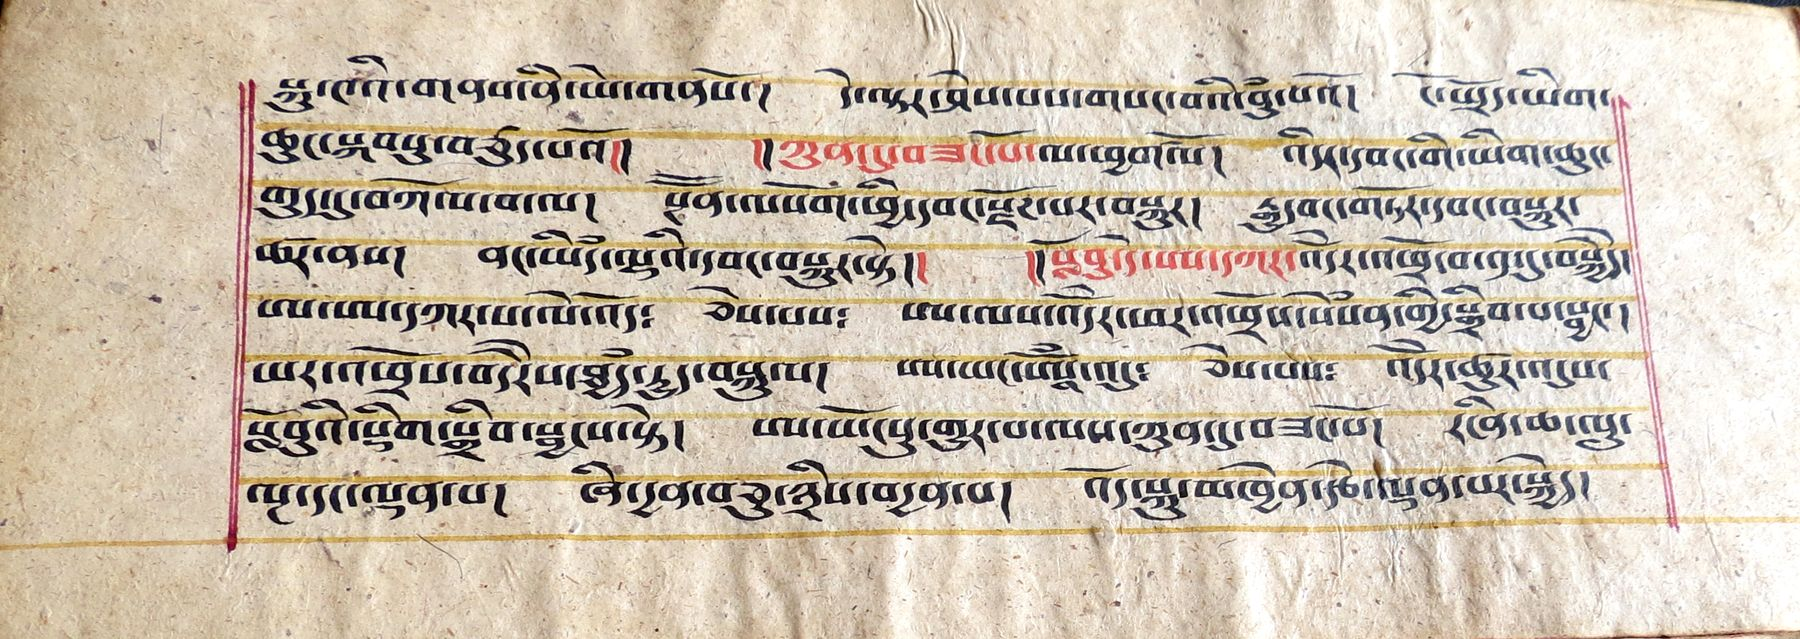བསྐུར་གཞིའི་གནས་དེ་ཡེ་གནས་སོ། ། དེ་ལྟར་ཤེས་པས་གསང་བའི་བུམ་དབང་ངོ་། ། ངོ་སྤྲོད་ལྟ་བ་ཡིག་
ཆུང་སྐབས་སུ་གཅུད་པའོ། ། ཀུན་ཏུ་བཟང་ལ་ཕྱག་འཚལ་ལོ། ། འདིར་དབང་གི་ཡིག་ཆུང་
གུད་དུ་བཀོལ་བ་ལ། སྔོན་འགྲོ་ལས་སོགས་སྤྱི་དབང་རྫོགས་པར་བསྐུར། བརྒྱུད་དབང་གཏོར་དབང་བསྐུར་
ཚར་ནས། ནང་ཡི་དམ་ལྷ་ཡི་དབང་བསྐུར་ཏེ། སློབ་བུ་དེ་ཨ་དཀར་པོ་འོད་ཟེར་འཕྲོ་བ་ཞིག་ཏུ་བསྐྱེད། 
ཨཱ་ཨ་དཀར་སལེ་འོད། ། ཅེས་པས། ཨ་ལས་འོད་ཟེར་ཕར་འཕྲོས་སེམས་ཅན་གྱི་སྒྲིབ་པ་སྦྱངས། 
ཡར་འཕྲོས་བདེ་གཤེགས་ཀྱི་ཐུགས་དམ་བསྐུལ། ཨ་ཡཾ་ཨཱོྃ་འདུ། ཞེས་པས། འོད་ཟེར་ཚུར་འདུས་
སློབ་བུའི་སྒྲིབ་པ་སྦྱངས་ཏེ། ཨ་ཡོངས་སུ་གྱུར་པ་ལས་ཀུན་ཏུ་བཟང་པོ། རང་བཞིན་ཆ་ལུགས་
ལྔ་དང་ལྔན་པ། ཞི་རྒྱན་བཅུ་གསུམ་གྱིས་བརྒྱན་པ། འོད་སྐུ་མཁྱེན་བརྩེ་དང་ལྡན་པ་ཞིག་བསྐྱེད།